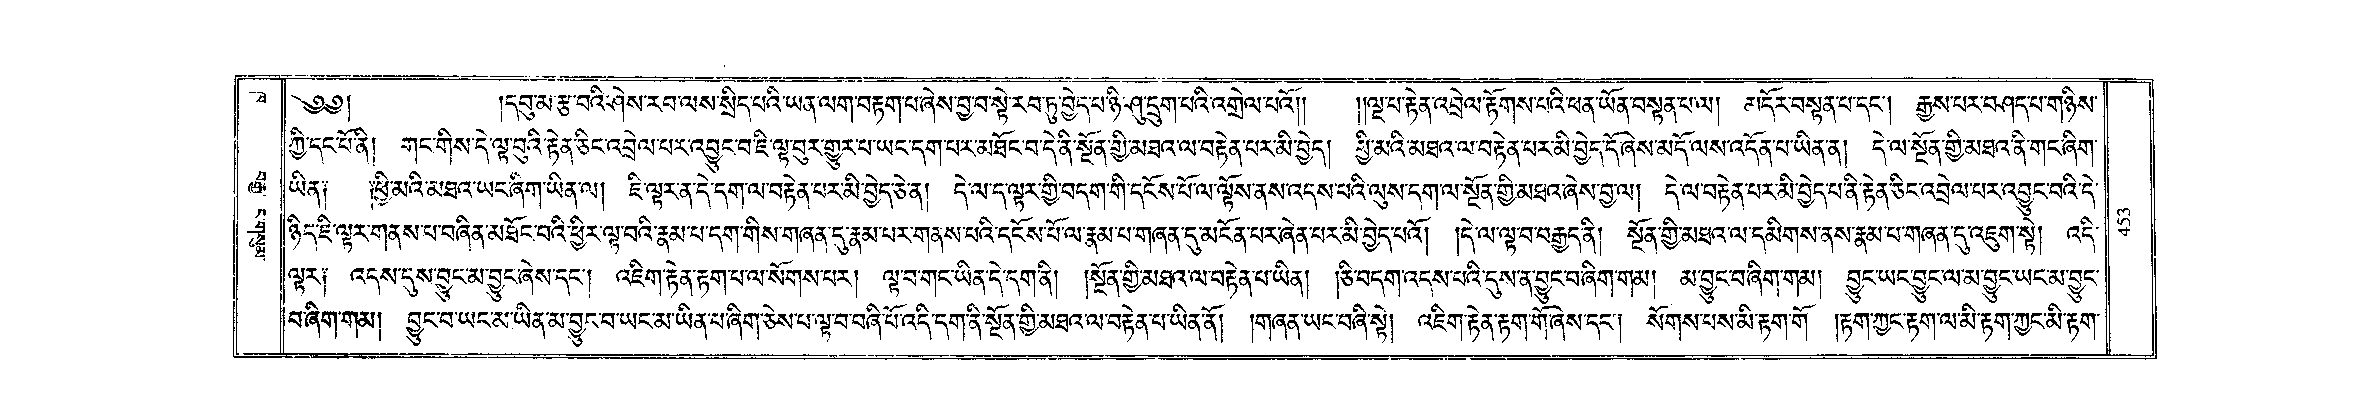༄༅། །དབུ་མ་རྩ་བའི་ཤེས་རབ་ལས་སྲིད་པའི་ཡན་ལག་བརྟག་པ་ཞེས་བྱ་བ་སྟེ་རབ་ཏུ་བྱེད་པ་ཉི་ཤུ་དྲུག་པའི་འགྲེལ་པའོ།། །།ལྔ་པ་རྟེན་འབྲེལ་རྟོགས་པའི་ཕན་ཡོན་བསྟན་པ་ལ། མདོར་བསྟན་པ་དང་། རྒྱས་པར་བཤད་པ་གཉིས་
ཀྱི་དང་པོ་ནི། གང་གིས་དེ་ལྟ་བུའི་རྟེན་ཅིང་འབྲེལ་པར་འབྱུང་བ་ཇི་ལྟ་བུར་གྱུར་པ་ཡང་དག་པར་མཐོང་བ་དེ་ནི་སྔོན་གྱི་མཐའ་ལ་བརྟེན་པར་མི་བྱེད། ཕྱི་མའི་མཐའ་ལ་བརྟེན་པར་མི་བྱེད་དོ་ཞེས་མདོ་ལས་འདོན་པ་ཡིན་ན། དེ་ལ་སྔོན་གྱི་མཐའ་ནི་གང་ཞིག་
ཡིན༑ ༑ཕྱི་མའི་མཐའ་ཡང་ཞིག་ཡིན་ལ། ཇི་ལྟར་ན་དེ་དག་ལ་བརྟེན་པར་མི་བྱེད་ཅེ་ན། དེ་ལ་ད་ལྟར་གྱི་བདག་གི་དངོས་པོ་ལ་ལྟོས་ནས་འདས་པའི་ལུས་དག་ལ་སྔོན་གྱི་མཐའ་ཞེས་བྱ་ལ། དེ་ལ་བརྟེན་པར་མི་བྱེད་པ་ནི་རྟེན་ཅིང་འབྲེལ་པར་འབྱུང་བའི་དེ་
ཉིད་ཇི་ལྟར་གནས་པ་བཞིན་མཐོང་བའི་ཕྱིར་ལྟ་བའི་རྣམ་པ་དག་གིས་གཞན་དུ་རྣམ་པར་གནས་པའི་དངོས་པོ་ལ་རྣམ་པ་གཞན་དུ་མངོན་པར་ཞེན་པར་མི་བྱེད་པའོ། །དེ་ལ་ལྟ་བ་བརྒྱད་ནི། སྔོན་གྱི་མཐའ་ལ་དམིགས་ནས་རྣམ་པ་གཞན་དུ་འཇུག་སྟེ། འདི་
ལྟར༑ འདས་དུས་བྱུང་མ་བྱུང་ཞེས་དང་། འཇིག་རྟེན་རྟག་པ་ལ་སོགས་པར། ལྟ་བ་གང་ཡིན་དེ་དག་ནི། །སྔོན་གྱི་མཐའ་ལ་བརྟེན་པ་ཡིན། །ཅི་བདག་འདས་པའི་དུས་ན་བྱུང་བ་ཞིག་གམ། མ་བྱུང་བ་ཞིག་གམ། བྱུང་ཡང་བྱུང་ལ་མ་བྱུང་ཡང་མ་བྱུང་
བ་ཞིག་གམ། བྱུང་བ་ཡང་མ་ཡིན་མ་བྱུང་བ་ཡང་མ་ཡིན་པ་ཞིག་ཅེས་པ་ལྟ་བ་བཞི་པོ་འདི་དག་ནི་སྔོན་གྱི་མཐའ་ལ་བརྟེན་པ་ཡིན་ནོ། །གཞན་ཡང་བཞི་སྟེ། འཇིག་རྟེན་རྟག་གོ་ཞེས་དང་། སོགས་པས་མི་རྟག་གོ །རྟག་ཀྱང་རྟག་ལ་མི་རྟག་ཀྱང་མི་རྟག་